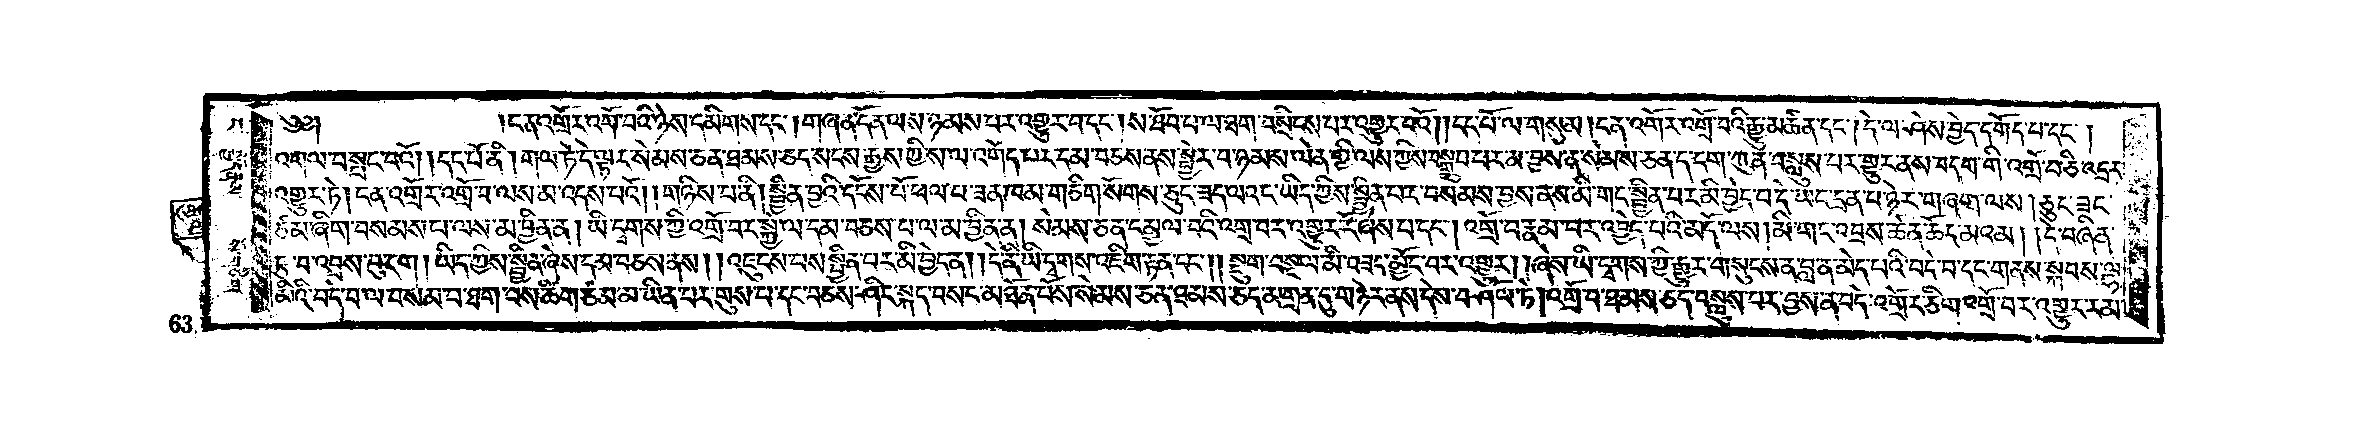༄༅། །ངན་འགྲོར་འགོ་བའི་ཉེས་དམིགས་དང་། གཞན་དོན་ལས་ཉམས་པར་འགྱུར་བ་དང་། ས་ཐོབ་པ་ལ་ཐག་བསྲིངས་པར་འགྱུར་བའོ། །དང་པོ་ལ་གསུམ། ངན་འགྲོར་འགྲོ་བའི་རྒྱུ་མཚན་དང་། དེ་ལ་ཤེས་བྱེད་དགོད་པ་དང་།
འགལ་བ་སྤང་བའོ། །དང་པོ་ནི། གལ་ཏེ་དེ་ལྟར་སེམས་ཅན་ཐམས་ཅད་སངས་རྒྱས་ཀྱི་ས་ལ་འགོད་པར་དམ་བཅས་ནས་སྦྱོར་བ་ཉམས་ལེན་གྱི་ལས་ཀྱིས་བསྒྲུབ་པར་མ་བྱས་ན་སེམས་ཅན་དེ་དག་ཀུན་བསླུས་པར་གྱུར་ནས་བདག་གི་འགྲོ་བ་ཅི་འདྲར་
འགྱུར་ཏེ། ངན་འགྲོར་འགྲོ་བ་ལས་མ་འདས་པའོ། །གཉིས་པ་ནི། སྦྱིན་བྱའི་དངོས་པོ་ཕལ་བ་ཟན་ཁམ་གཅིག་སོགས་ཅུང་ཟད་ལའང་ཡིད་ཀྱིས་སྦྱིན་པར་བསམས་བྱས་ནས་མི་གང་སྦྱིན་པར་མི་བྱེད་པ་དེ་ཡང་དྲན་པ་ཉེར་གཞག་ལས། ཅུང་ཟད་
ཙམ་ཞིག་བསམས་པ་ལས་མ་བྱིན་ན། ཡི་དྭགས་ཀྱི་འགྲོ་བར་སྐྱེ་ལ་དམ་བཅས་པ་ལ་མ་བྱིན་ན། སེམས་ཅན་དམྱལ་བའི་འགྲོ་བར་འགྱུར་རོ་ཞེས་པ་དང་། འགྲོ་བ་རྣམ་པར་འབྱེད་པའི་མདོ་ལས། མི་གང་འབྲས་ཚན་ཚོད་མའམ། དེ་བཞིན་
རྩ་བ་འབྲས་བུ་དག །ཡིད་ཀྱིས་སྦྱིན་ཞེས་དམ་བཅས་ནས། །འཇུངས་པས་སྦྱིན་པར་མི་བྱེད་ན། །དེ་ནི་ཡི་དྭགས་འཇིག་རྟེན་དང་། །སྡུག་བསྔལ་མི་བཟད་མྱོང་བར་འགྱུར། །ཞེས་ཡི་དྭགས་ཀྱི་རྒྱུར་གསུངས་ན་བླ་ན་མེད་པའི་བདེ་བ་དང་གནས་སྐབས་ལྷ་
མིའི་བདེ་བ་ལ་བསམ་པ་ཐག་པས་ཚིག་ཙམ་མ་ཡིན་པར་གུས་པ་དང་བཅས་ཤིང་སྐད་བསང་མཐོན་པོས་སེམས་ཅན་ཐམས་ཅད་མགྲན་དུ་གཉེར་ནས་དེས་བཤོལ་ཏེ། འགྲོ་བ་ཐམས་ཅད་བསླུས་པར་བྱས་ན་བདེ་འགྲོར་ཅིག་འགྲོ་བར་འགྱུར་རམ་